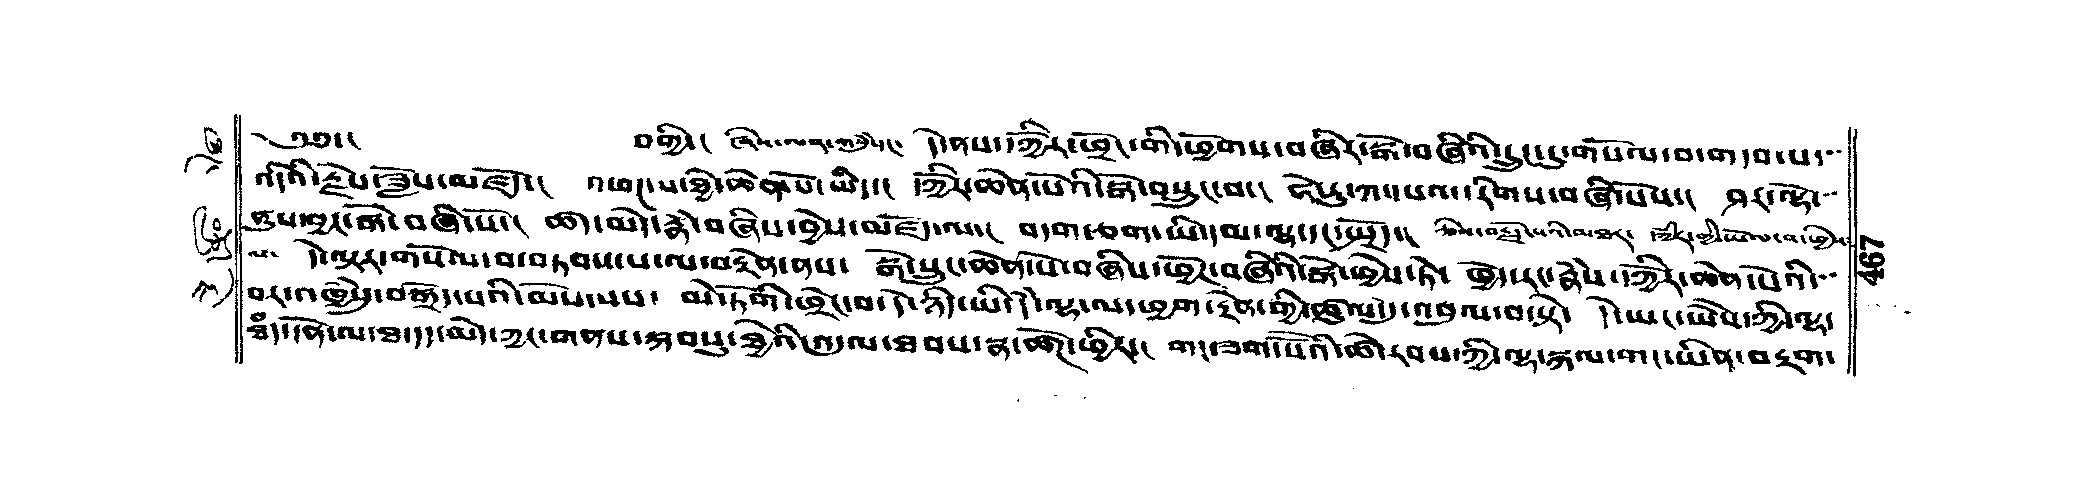བགྱི། ཞེས་ལན་གསུམ་དང་། དེ་ནས་དཀྱིལ་འཁོར་གྱི་ཕོ་བྲང་གི་ཕྱོགས་བཞིར་སྒོ་བཞིའི་གསོལ་བ་གདབ་པ་
འདིའི་རྗེས་ཟློས་བརྗོད། འཕགས་པ་ཐུགས་རྗེ་ཆེན་པོ་ཡི། །དཀྱིལ་འཁོར་ཆེན་པོའི་སྒོ་བསྲུང་བ། །ཧེ་རུ་ཀ་དཔལ་རིགས་བཞི་པོས། །ཤར་ལྷོ་
ནུབ་བྱང་སྒོ་བཞི་པོ། །ཚད་མེད་རྣམ་བཞིས་དབྱེས་མཛོད་ལ། །བདག་ཅག་ཡི་དམ་ལྷ་དང་སྤྲོད། །ཅེས་བརྗོད་པའི་མཐར། དཀྱིལ་འཁོར་གྱི་ཡོལ་བ་ཕྱེས་
ལ། དེ་ལྟར་གསོལ་བ་བཏབ་པ་ལ་བརྟེན་ནས། སྒོ་སྲུང་ཆེན་པོ་བཞིས་སྒོ་ཕྱེས་ཏེ། ཁྱོད་རང་རྣམས་དཀྱིལ་འཁོར་ཆེན་པོའི་
བར་འཁྱམས་བསྒྲོད་པའི་མོས་པས།མེ་ཏོག་གི་ཕྲེང་བ་དེ་ཉིད་ཡི་དམ་ལྷ་ལ་ཕྱག་རྟེན་གྱི་ཚུལ་དུ་འབུལ་བ་སྟེ། དེ་ཡང་ཡེ་ཤེས་ཀྱི་ལྷ་
ཐམས་ཅད་དོན་ལ་ཐ་དད་མེད་ཀྱང་གནས་སྐབས་སུ་ཐུགས་རྗེའིའདུལ་ཐབས་སྣ་ཚོགས་ཕྱིར། གང་ཟག་སོ་སོའི་ཚེ་རབས་ཀྱི་ལྷ་སྐལ་གང་ཡིན་བརྟག་